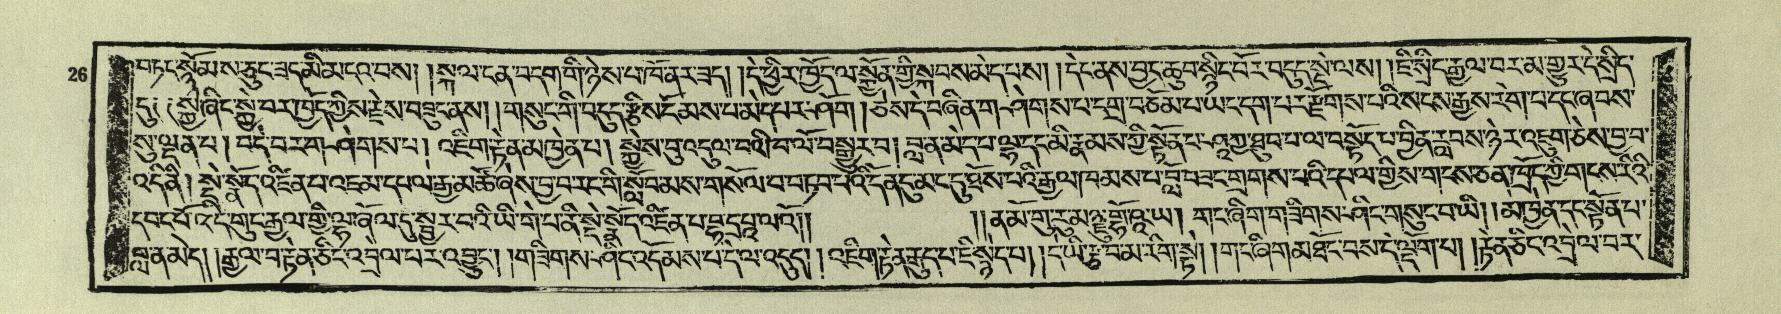བཏང་སྙོམས་ཅུང་ཟད་མི་མངའ་བས། །སྐལ་ངན་བདག་གི་ཉེས་པ་ཁོ་ནར་ཟད། །དེ་ཕྱིར་ཁྱོད་ལ་སྐྱོན་གྱི་སྐབས་མེད་པས། །དེང་ནས་བྱང་ཆུབ་སྙིང་པོར་བདུད་སྡེ་ལས། །ཇི་སྲིད་རྒྱལ་བར་མ་གྱུར་དེ་སྲིད་
དུ༑ ༑སྐྱེ་ཞིང་སྐྱེ་བར་ཁྱོད་ཀྱིས་རྗེས་བཟུང་ནས། །གསུང་གི་བདུད་རྩིས་ངོམས་པ་མེད་པར་ཤོག །ཅེས་དེ་བཞིན་གཤེགས་པ་དགྲ་བཅོམ་པ་ཡང་དག་པར་རྫོགས་པའི་སངས་རྒྱས་རེག་པ་དང་ཞབས་
སུ་ལྡན་པ་།བདེ་བར་གཤེགས་པ་།འཇིག་རྟེན་མཁྱེན་པ། སྐྱེས་བུ་འདུལ་བའི་ཁ་ལོ་བསྒྱུར་བ། བླ་ན་མེད་པ་ལྷ་དང་མི་རྣམས་ཀྱི་སྟོན་པ་ཤཱཀྱ་ཐུབ་པ་ལ་བསྟོད་པ་བྱིན་རླབས་ཉེར་འཇུག་ཅེས་བྱ་བ་
འདི་ནི། སྡེ་སྣོད་འཛིན་པ་འཇམ་དཔལ་རྒྱ་མཚོ་ཞེས་བྱ་བ་རང་གི་སློབ་མས་གསོལ་བ་བཏབ་པའི་དོན་དུ་མང་དུ་ཐོས་པའི་རྒྱལ་ཁམས་པ་བློ་བཟང་གྲགས་པའི་དཔལ་གྱིས་གངས་ཅན་ཁྲོད་ཀྱི་གངས་རིའི་
དབང་པོ་འདི་གུང་རྒྱལ་གྱི་ལྷ་ཞོལ་དུ་སྦྱར་བའི་ཡི་གེ་པ་ནི་སྡེ་སྣོད་འཛིན་པ་བྷ་དྲ་པཱ་ལའོ།། །།ན་མོ་གུ་རུ་མཉྫུ་གྷོ་ཥཱ་ཡ། གང་ཞིག་གཟིགས་ཤིང་གསུང་བ་ཡི། །མཁྱེན་དང་སྟོན་པ་
བླ་ན་མེད། །རྒྱལ་བ་རྟེན་ཅིང་འབྲེལ་པར་འབྱུང་། །གཟིགས་ཤིང་འདོམས་པ་དེ་ལ་འདུད། །འཇིག་རྟེན་རྒུད་པ་ཇི་སྙེད་པ། །དེ་ཡི་རྩ་བ་མ་རིག་སྟེ། །གང་ཞིག་མཐོང་བས་དེ་ལྡོག་པ། །རྟེན་ཅིང་འབྲེལ་བར་